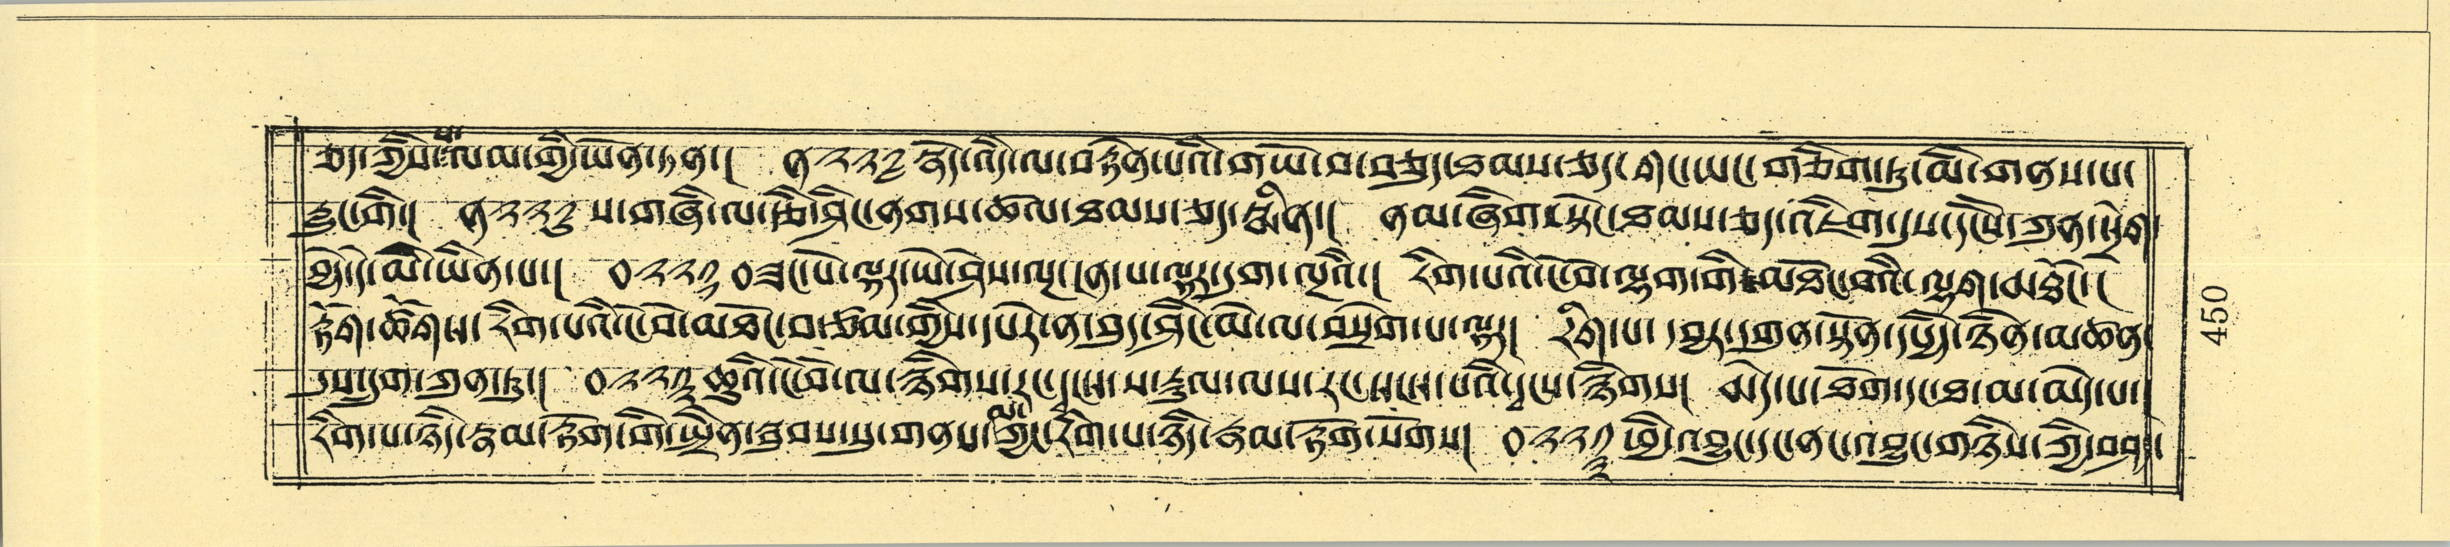ཅད་ཀྱི་ས་ལམ་གྱི་ཡོན་ཏན་ ན༢༢༡།༤སྣོད་འདི་ལ་བརྟེན་པའི་གཡོ་བ་བཅུད་ཐམས་ཅད་གང་ཡང་གཅིག་ཏུ་མི་གནས་པ་
རླུང་གི་ ན༢༢༡།༦ས་གཞི་ལ་རྩི་ཤིང་ནགས་ཚལ་ཐམས་ཅད་སྨིན། ནམ་ཞིག་སྟོང་ཐམས་ཅད་འཇིག་དུས་དངོས་པོ་ཀུན་སྲེག་
བྱེད་དེ་མེ་ཡིན་པ། བ༢༢༡།༡བཟང་པོ་ལྟར་ཡེ་ཤེས་ལྔ་ངན་པ་ལྟར་དུག་ལྔའི། རིག་པའི་ངོ་བོ་ལྷག་གིས་མཐོང་བའི་ལྷག་མཐོང་
རྟོག་ཚོགས་རིག་པའི་ངོ་མཐོང་བ་ཙམ་གྱིས་དཔེར་ན་བུད་ཤིང་མེ་ལ་སྲེག་པ་ལྟར། རིག་པ་དབྱར་དགུན་སྟོན་དཔྱིད་ཉིན་མཚན་
དུས་དྲུག་ཀུན་ཏུ་ བ༢༢༡།༢ཆུའི་ངོ་བོ་ལ་སྙིགས། རང་དངས་ས་རྡུལ་ལས་རང་སངས་པའི་དྭངས་སྙིགས་མེད་པ་ཐོག་དང་ཐ་མ་མེད་པ་
རིག་པ་ཉིད་རྣམ་རྟོག་གི་སྤྲིན་སྦུབས་སུ་གནས་ཀྱང་རིག་པ་ཉིད་རྣམ་རྟོག་སོགས་ བ༢༢༡།༣ཕྱི་འབྱུང་དང་ནང་ལུས་གཉིས་ཀྱི་བཤད་